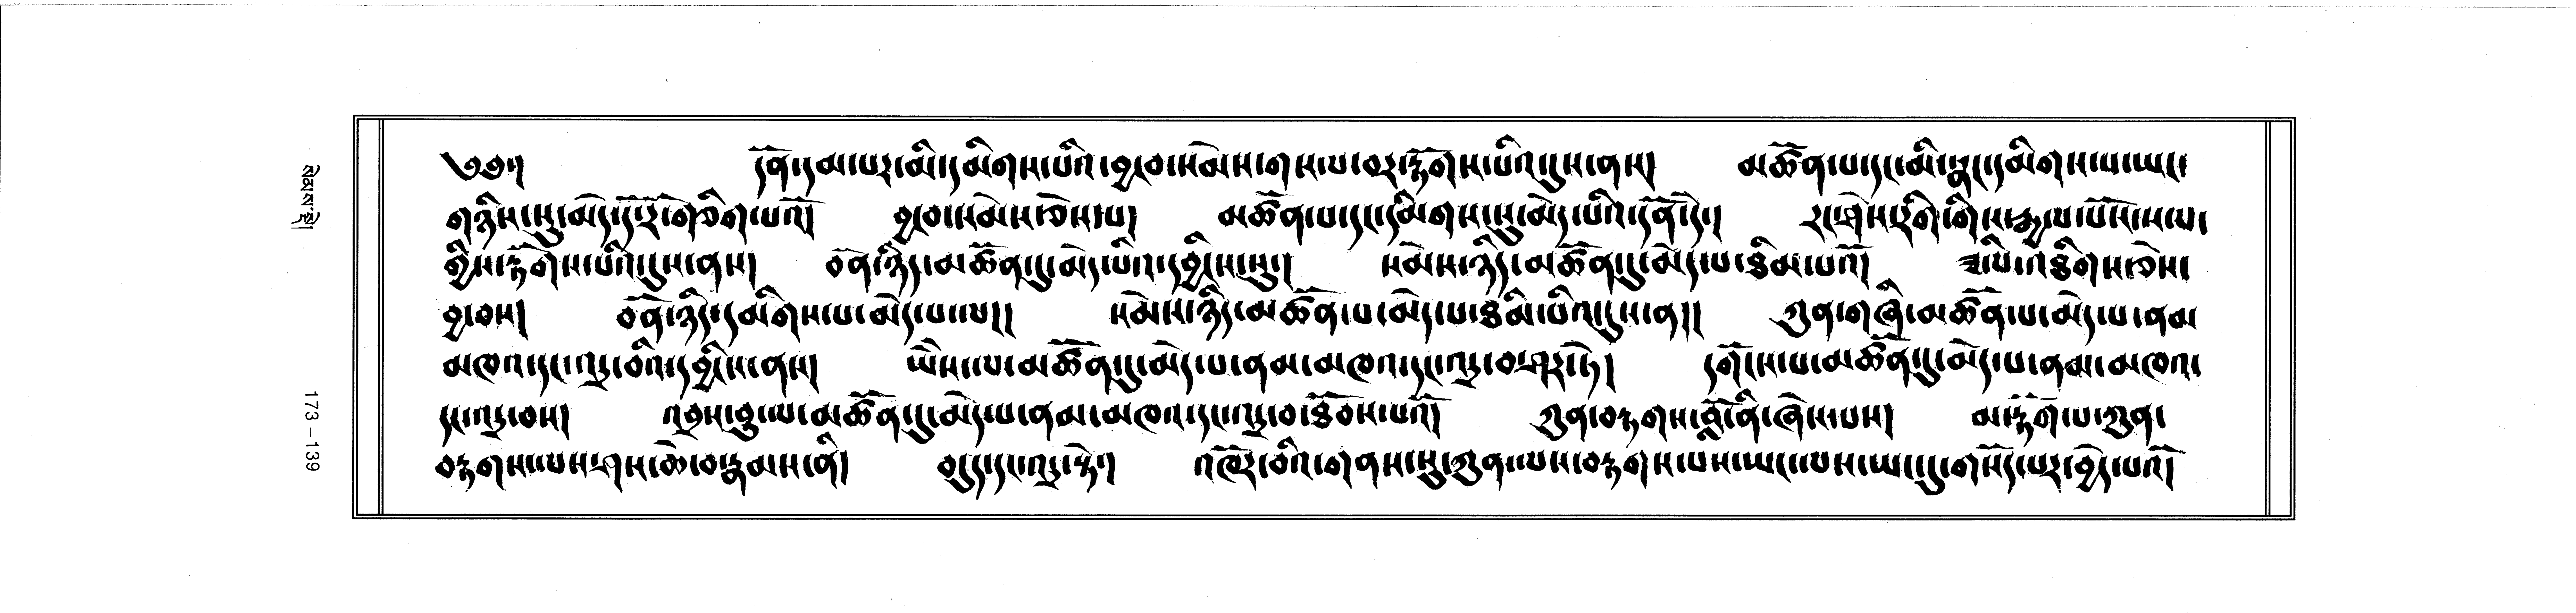དོན་དམ་པར་མི་དམིགས་པའི་བྱང་ཆུབ་ཀྱི་སེམས་གསལ་བར་རྟོགས་པའི་དུས་ན། མཚོན་པ་དང་མི་སྣང་དམིག་པ་ཡང་
གཉིས་སུ་མེད་དེ་རོ་གཅིག་པའོ། བྱང་ཆུབ་སེམས་ཅེས་པས། མཚོན་པ་དང་དམིགས་སུ་མེད་པའི་དོན་དེ། རང་ཤེས་རིག་གི་རྒྱལ་པོས་སལ་
གྱིས་རྟོགས་པའི་དུས་ནས། བོན་ཉིད་མཚོན་དུ་མེད་པའི་དབྱིངས་སུ། སེམས་ཉིད་མཚོན་དུ་མེད་པར་ཐིམ་པའོ། །ཟིལ་ཐིག་ཅེས་
བྱ་བས། བོན་ཉིད་དམིགས་པ་མེད་པ་ལས་སེམས་ཉིད་མཚོན་པ་མེད་པ་ཐིམ་པའི་དུས་ན། ཀུན་གཞི་མཚོན་པ་མེད་པ་ནམ་
མཁའ་དང་འདྲ་བ་ཤར་ཏེ། དགོངས་པ་མཚོན་དུ་མེད་པ་ནམ་མཁའ་དང་འདྲ་བས། འབྲས་བུ་ལ་མཚོན་དུ་མེད་པ་ནམ་མཁའ་
དང་འདྲ་བས། འབྲས་བུ་མ་མཚོན་དུ་མེད་པ་ནམ་མཁའ་དང་འདྲ་བ་ཐོབས་པའོ། ཀུན་བརྟགས་བློ་ནི་ཞེས་པས། མ་རྟོགས་པ་ཀུན་
བརྟགས་ལས་ཤས་ཆེ་བ་རྣམས་ནི། བདུད་དང་འདྲ་སྟེ། འཁོར་བའི་གནས་སུ་ཀུན་ལས་བརྟགས་པས་ཡང་ལས་ཡང་དུ་གསོད་པར་བྱེད་པའོ། །